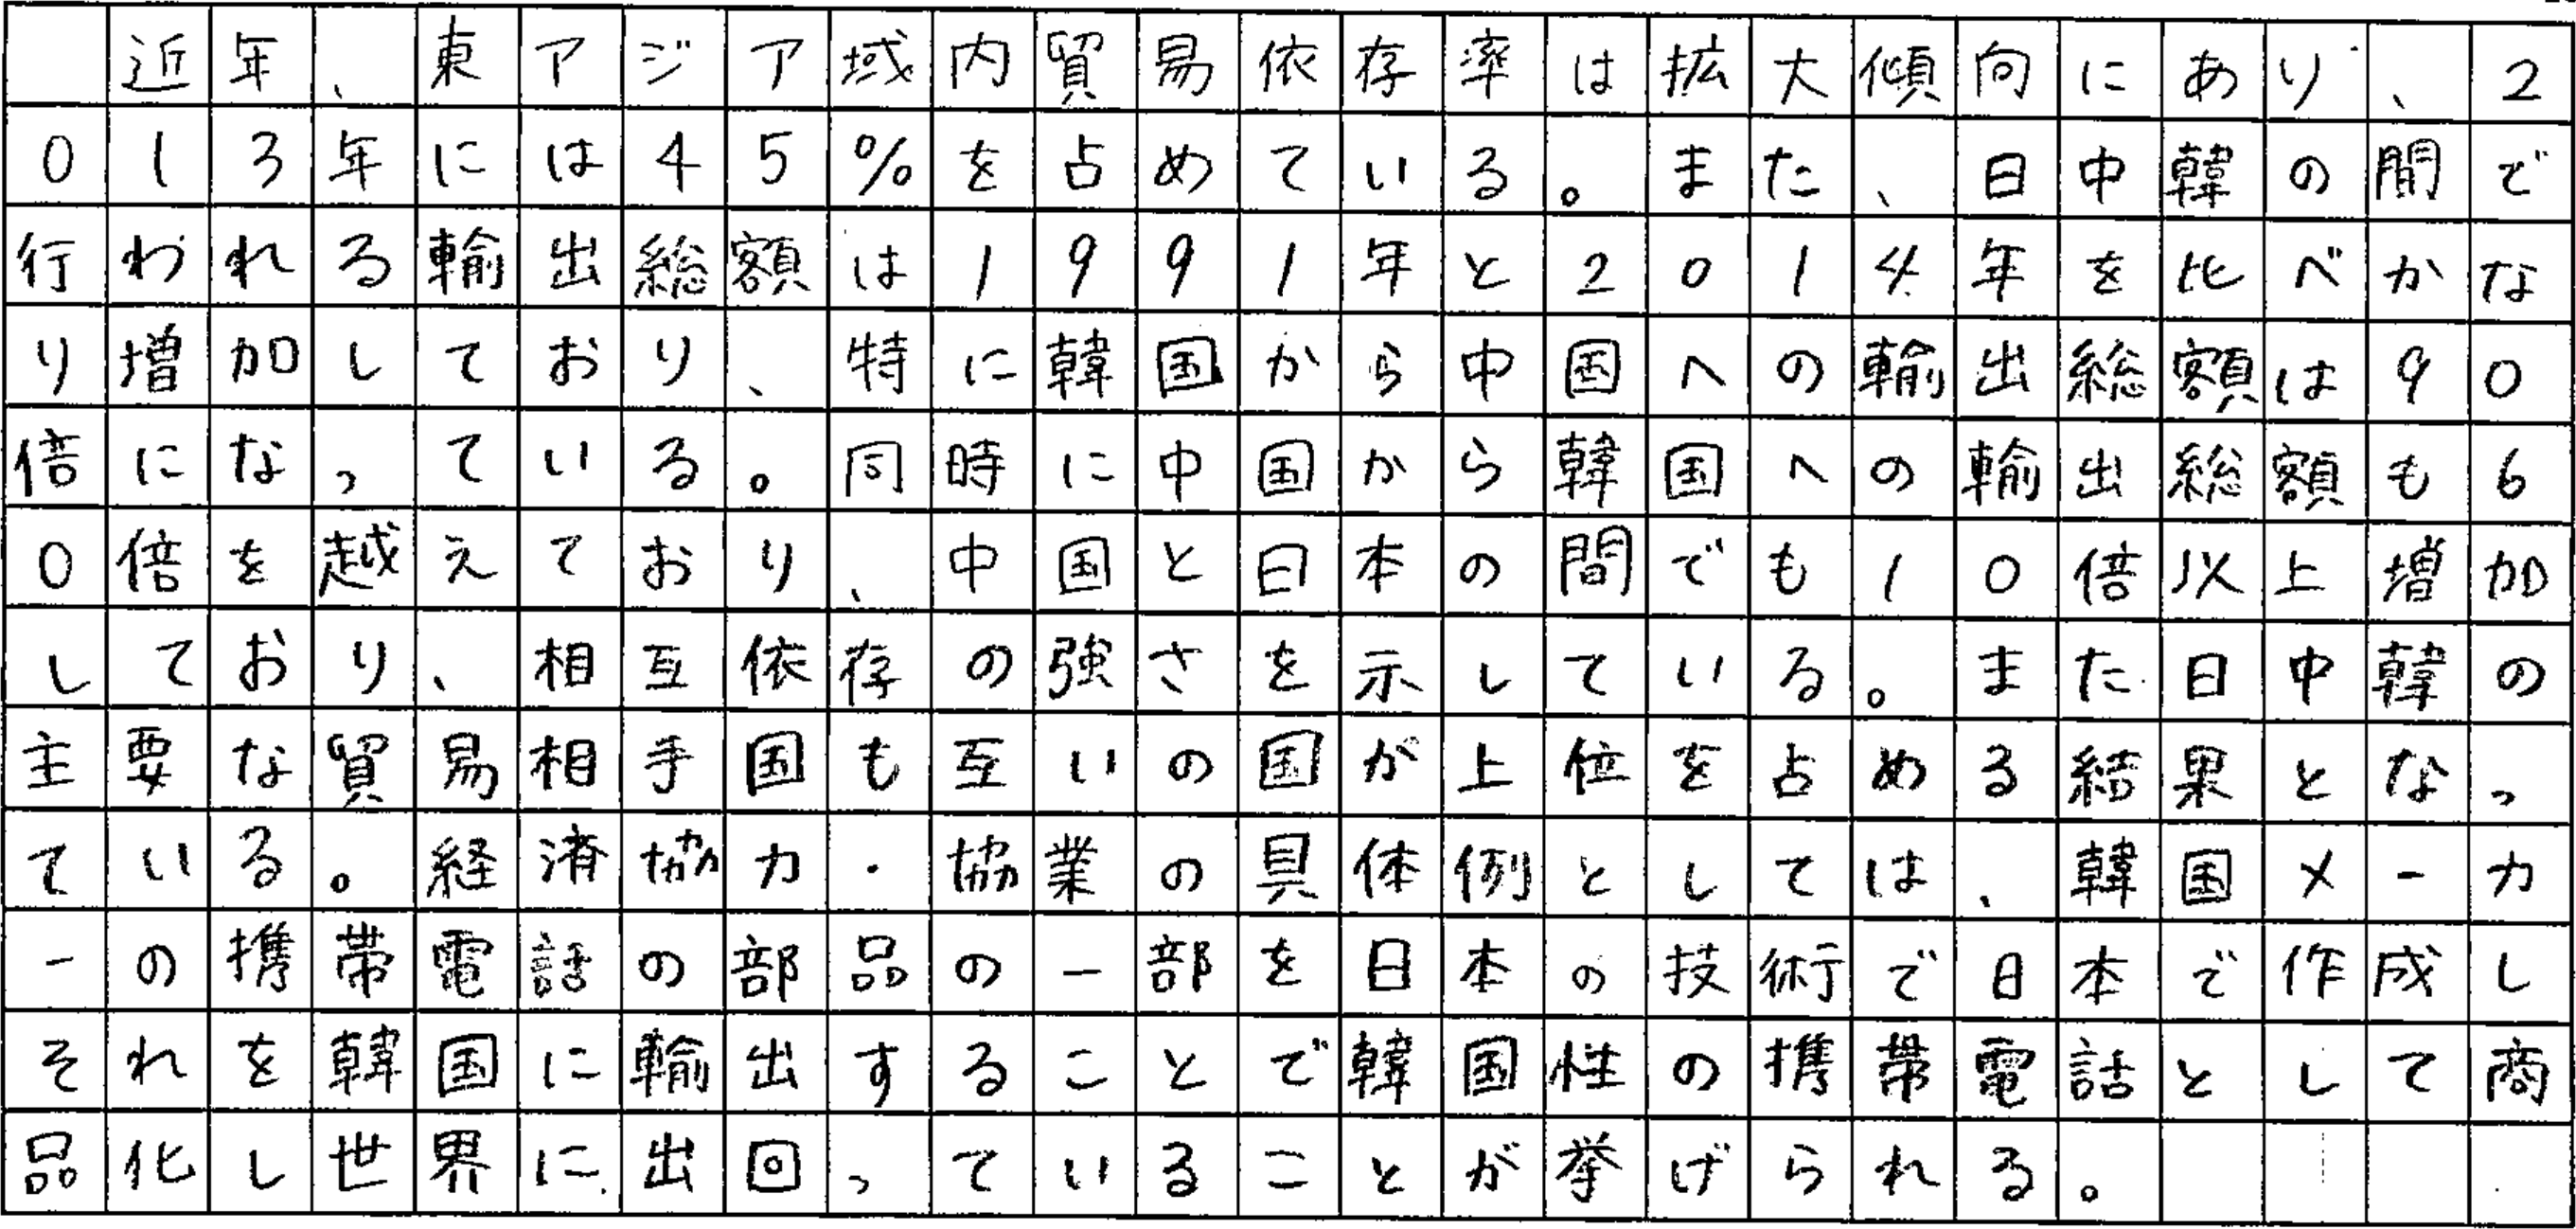　近年、東アジア域内貿易依存率は拡大傾向にあり、２０１３年には４５％を占めている。また、日中韓の間で行われる輸出総額は１９９１年と２０１４年を比べかなり増加しており、特に韓国から中国への輸出総額は９０倍になっている。同時に中国から韓国への輸出総額も６０倍を越えており、中国と日本の間でも１０倍以上増加しており、相互依存の強さを示している。また日中韓の主要な貿易相手国も互いの国が上位を占める結果となっている。経済協力・協業の具体例としては、韓国メーカーの携帯電話の部品の一部を日本の技術で日本で作成しそれを韓国に輸出することで韓国性の携帯電話として商品化し世界に出回っていることが挙げられる。
